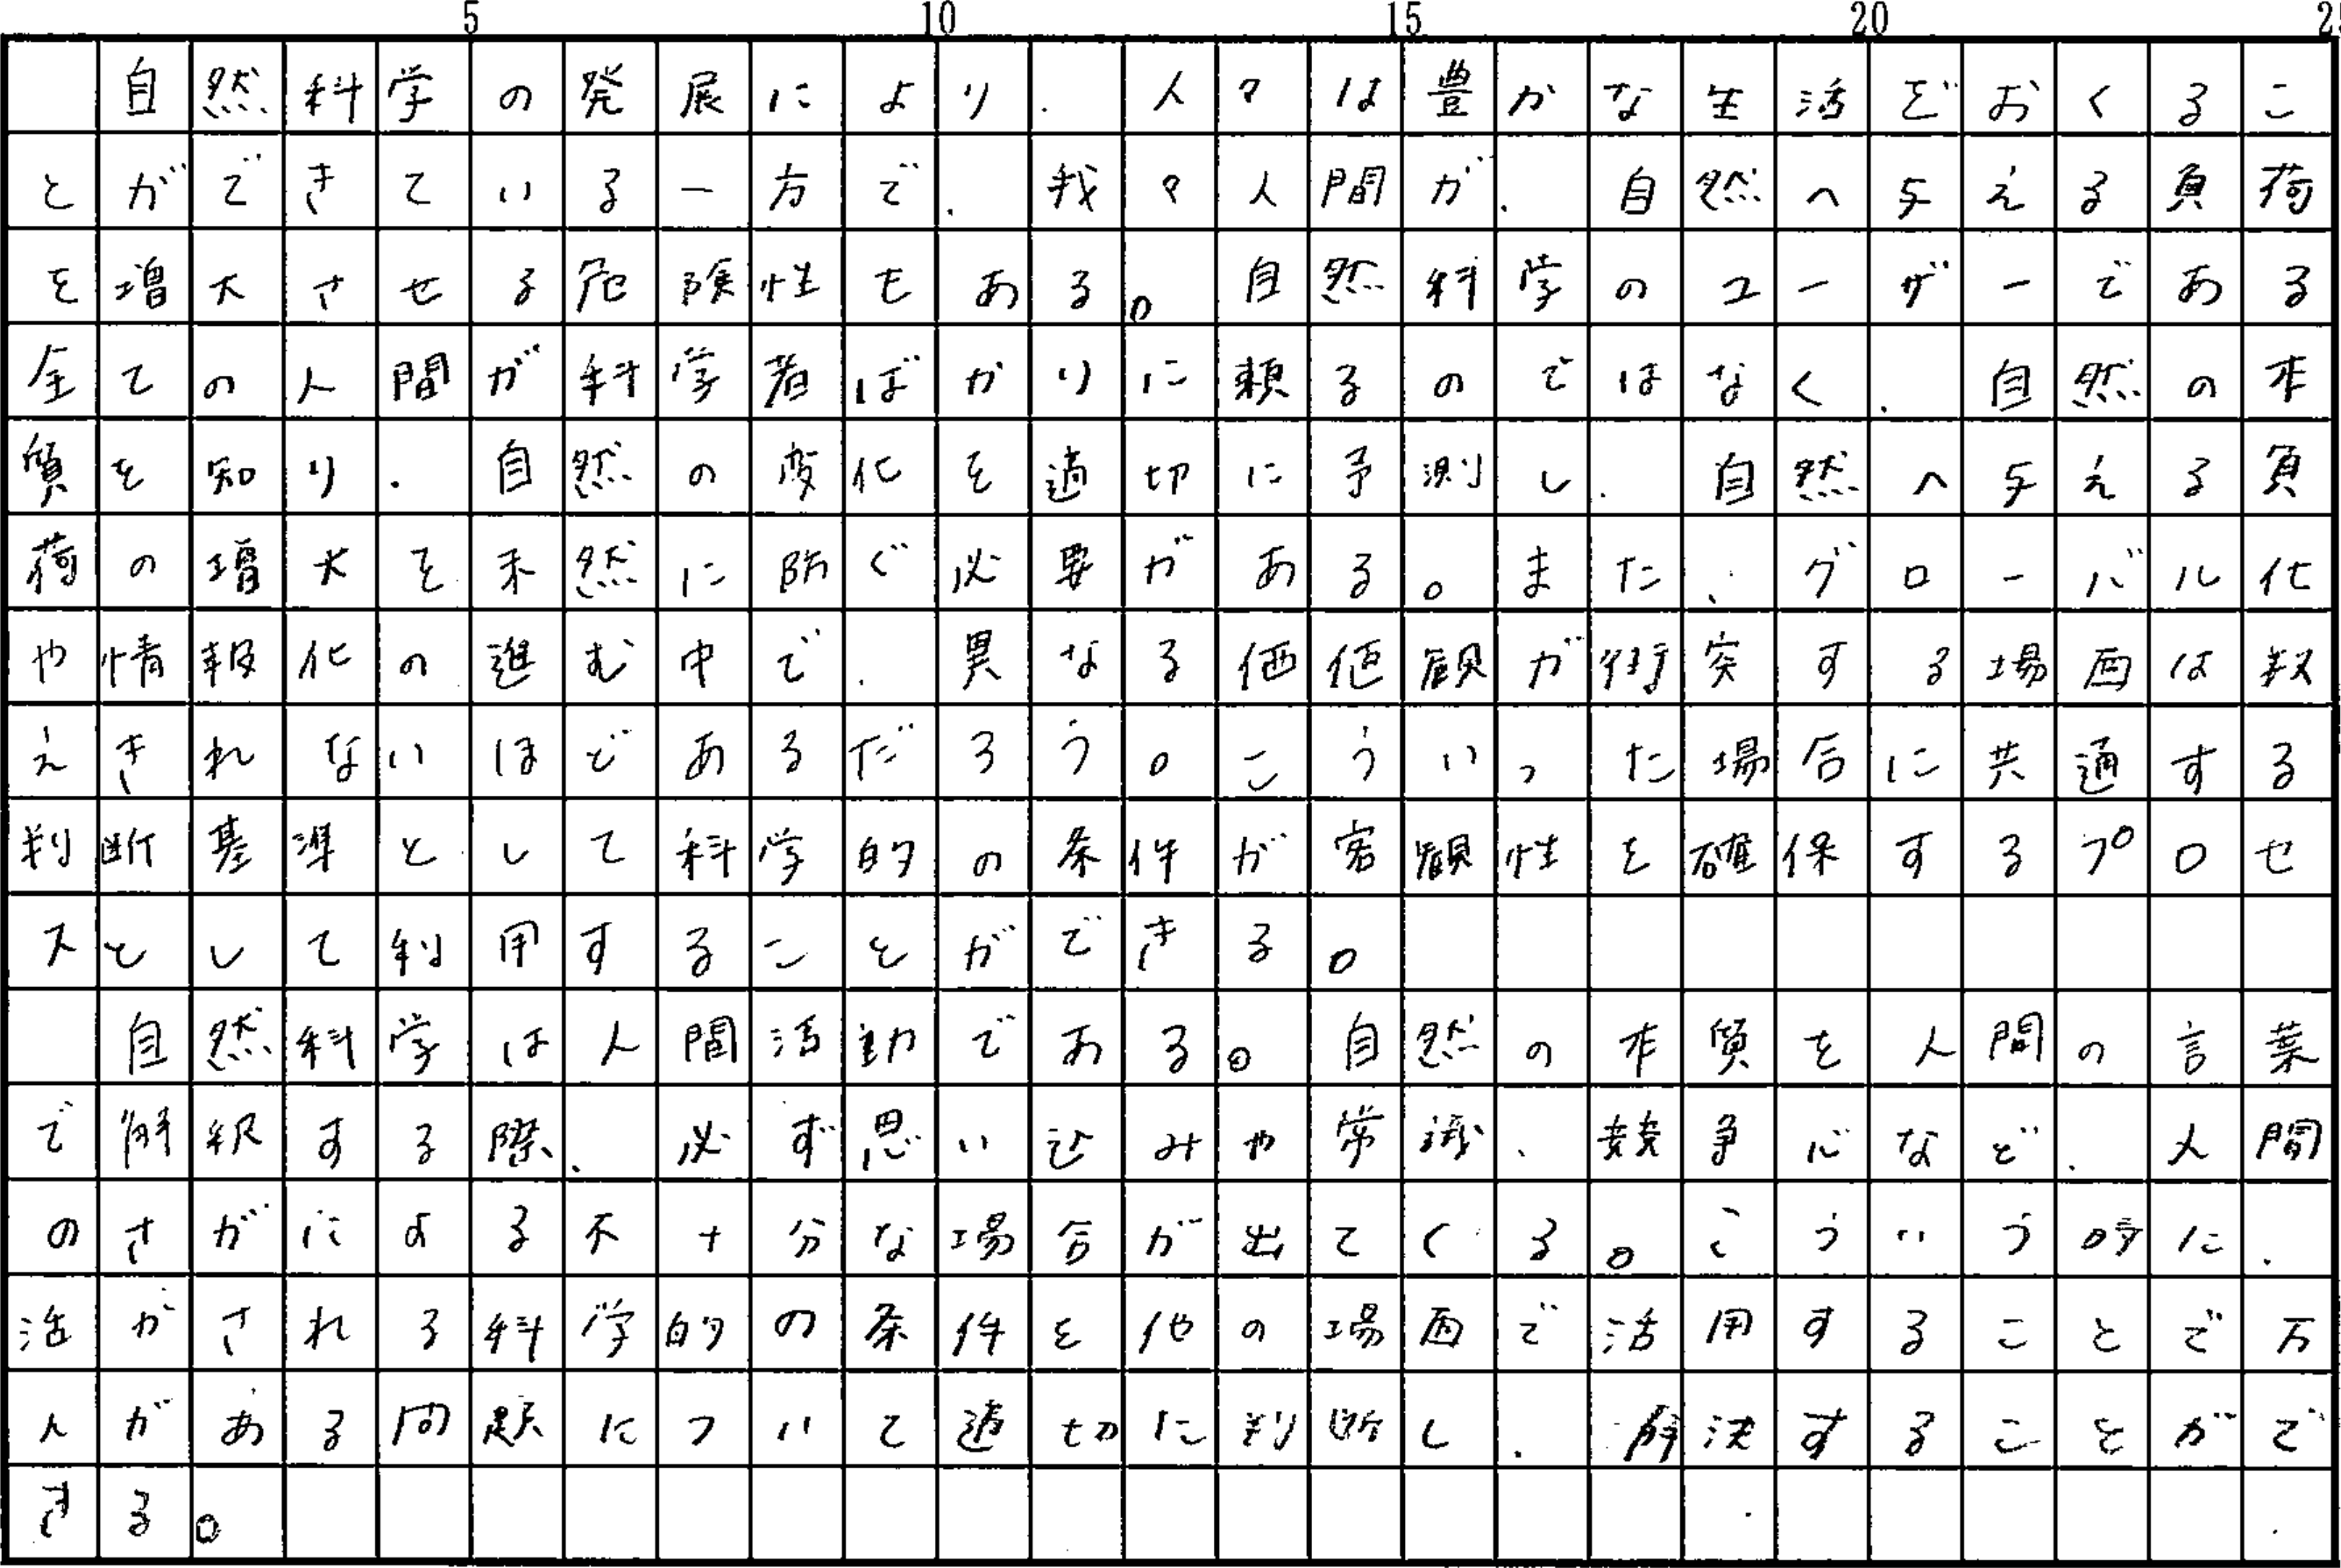　自然科学の発展により、人々は豊かな生活をおくることができている一方で、我々人間が、自然へ与える負荷を増大させる危険性もある。自然科学のユーザーである全ての人間が科学者ばかりに頼るのではなく、自然の本質を知り、自然の変化を適切に予測し、自然へ与える負荷の増大を未然に防ぐ必要がある。また、グローバル化や情報化の進む中で、異なる価値観が▁突する場面は教えきれないほどあるだろう。こういった場合に共通する判断基準として科学的の条件が客観性を確保するプロセスとして利用することができる。
　自然科学は人間活動である。自然の本質を人間の言葉で解釈する際、必ず思い込みや常識、競争心など、人間のさがによる不十分な場合が出てくる。こういう時に、活かされる科学的の条件を他の場面で活用することで万人がある問題について適切に判断し、解決することができる。
